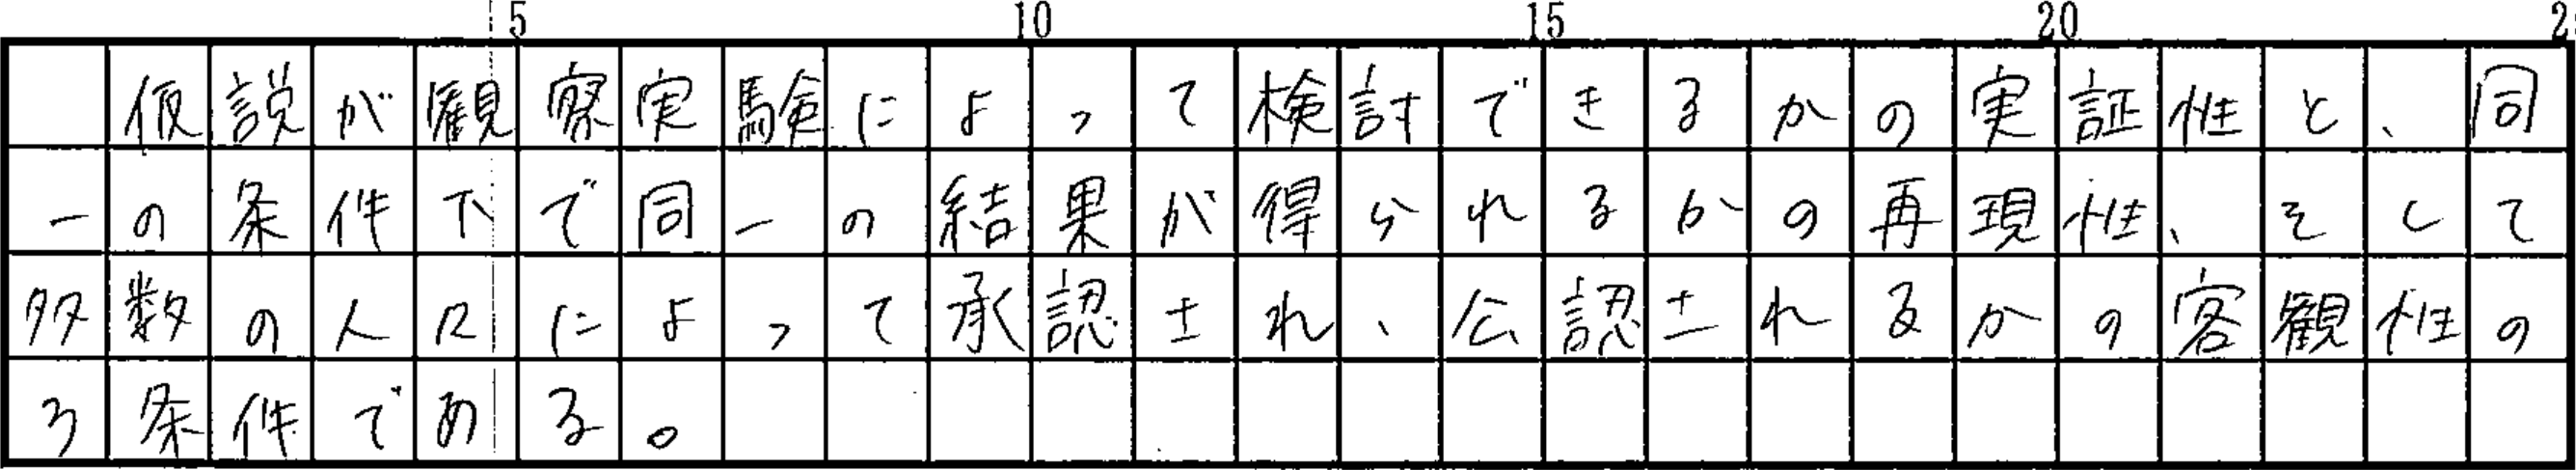　仮説が観察実験によって検討できるかの実証性と、同一の条件下で同一の結果が得られるかの再現性、そして多数の人々によって承認され、公認されるかの客観性の３条件である。
